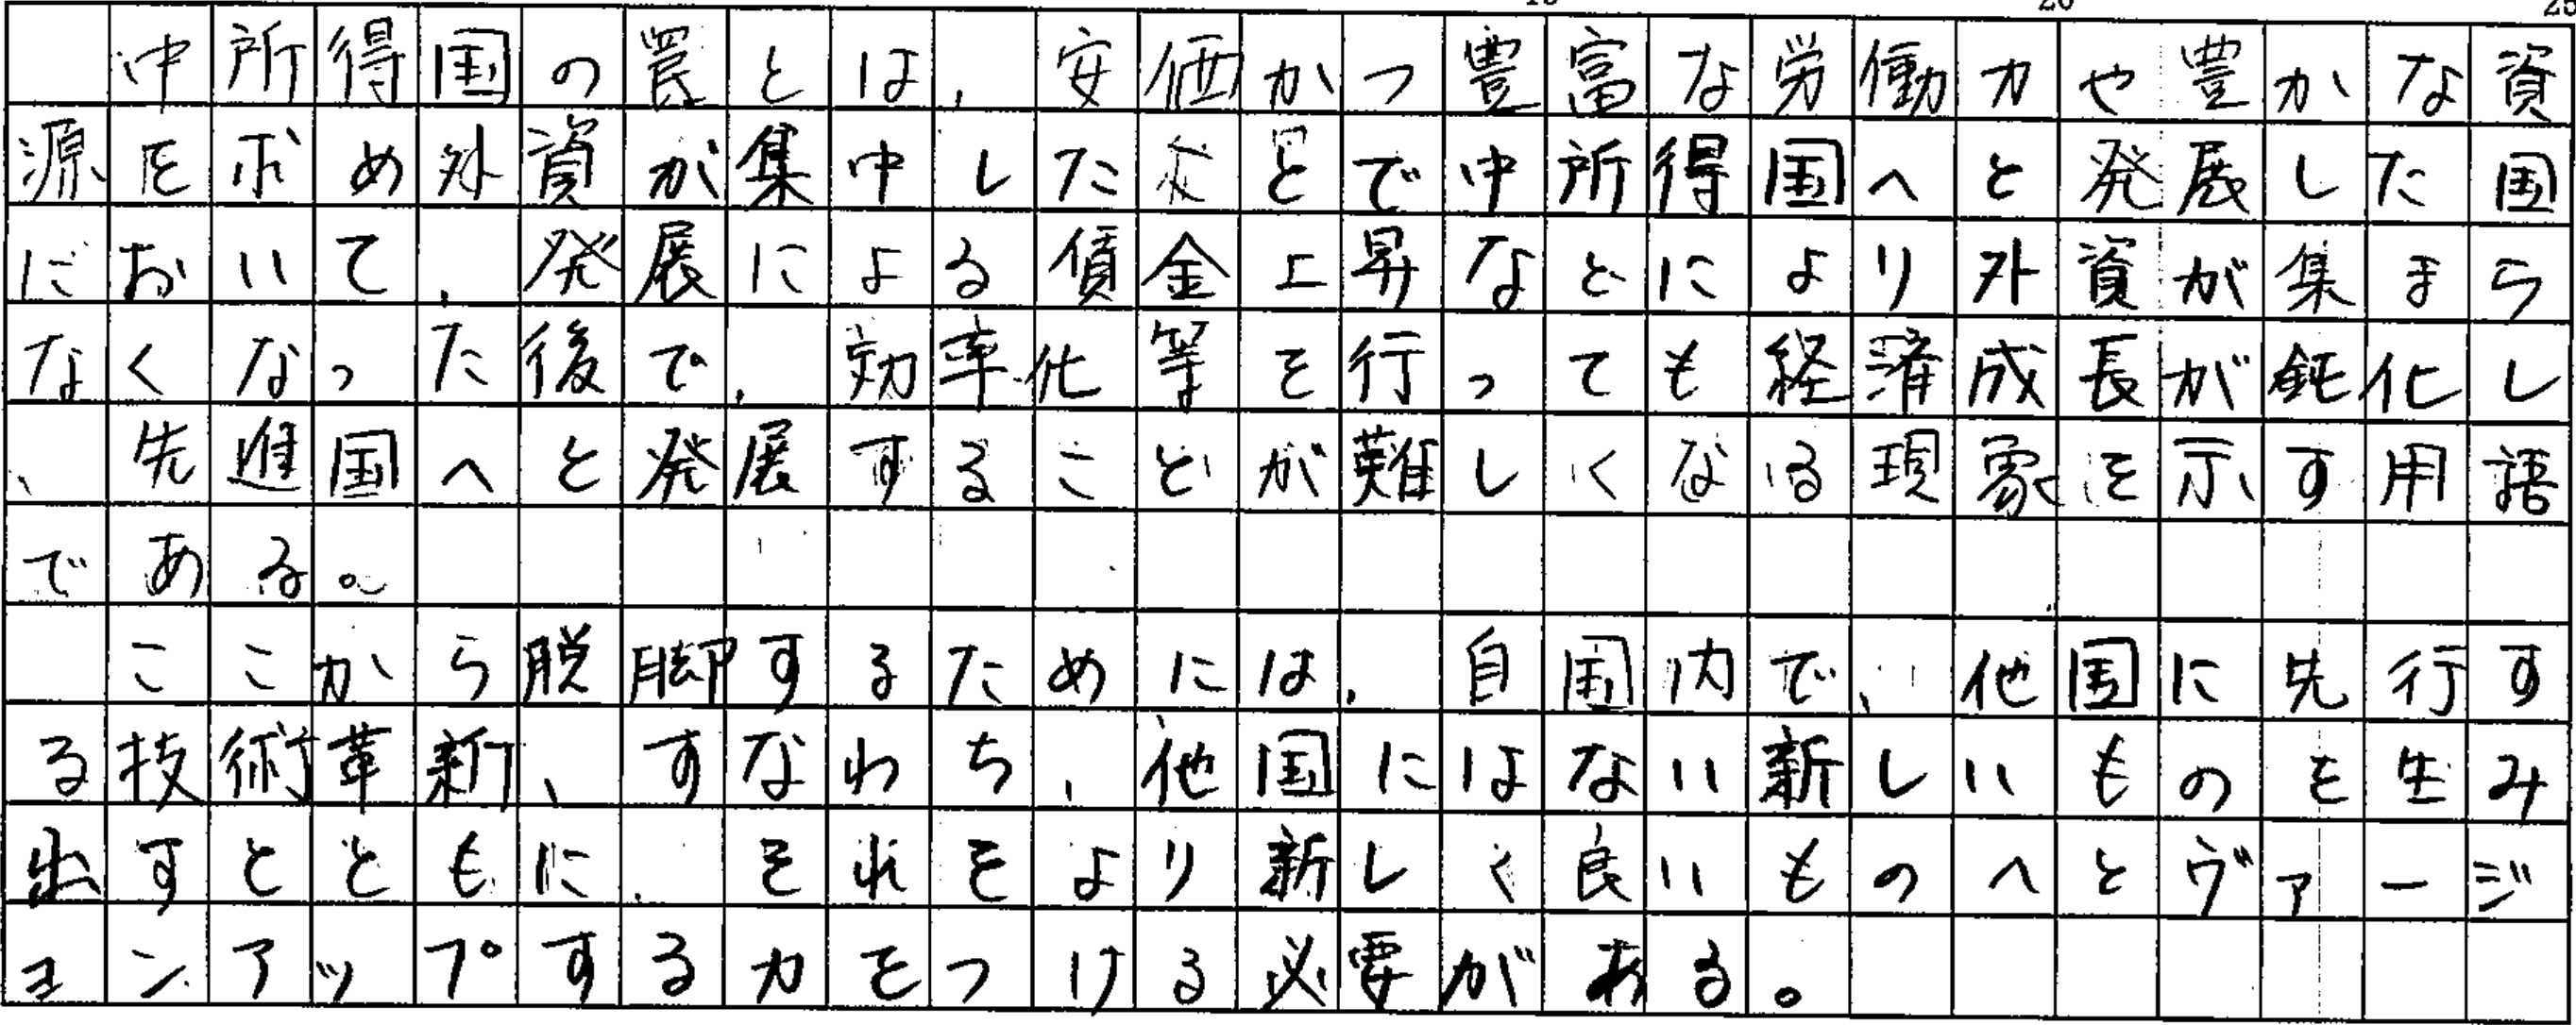　中所得国の罠とは，安価かつ豊富な労働力や豊かな資源を求め外資が集中したことで中所得国へと発展した国において、発展による賃金上昇などにより外資が集まらなくなった後で，効率化等を行っても経済成長が鈍化し、先進国へと発展することが難しくなる現象を示す用語である。
　ここから脱脚するためには，自国内で、他国に先行する技術革新、すなわち、他国にはない新しいものを生み出すとともに、それをより新しく良いものへとヴァージョンアップする力をつける必要がある。
